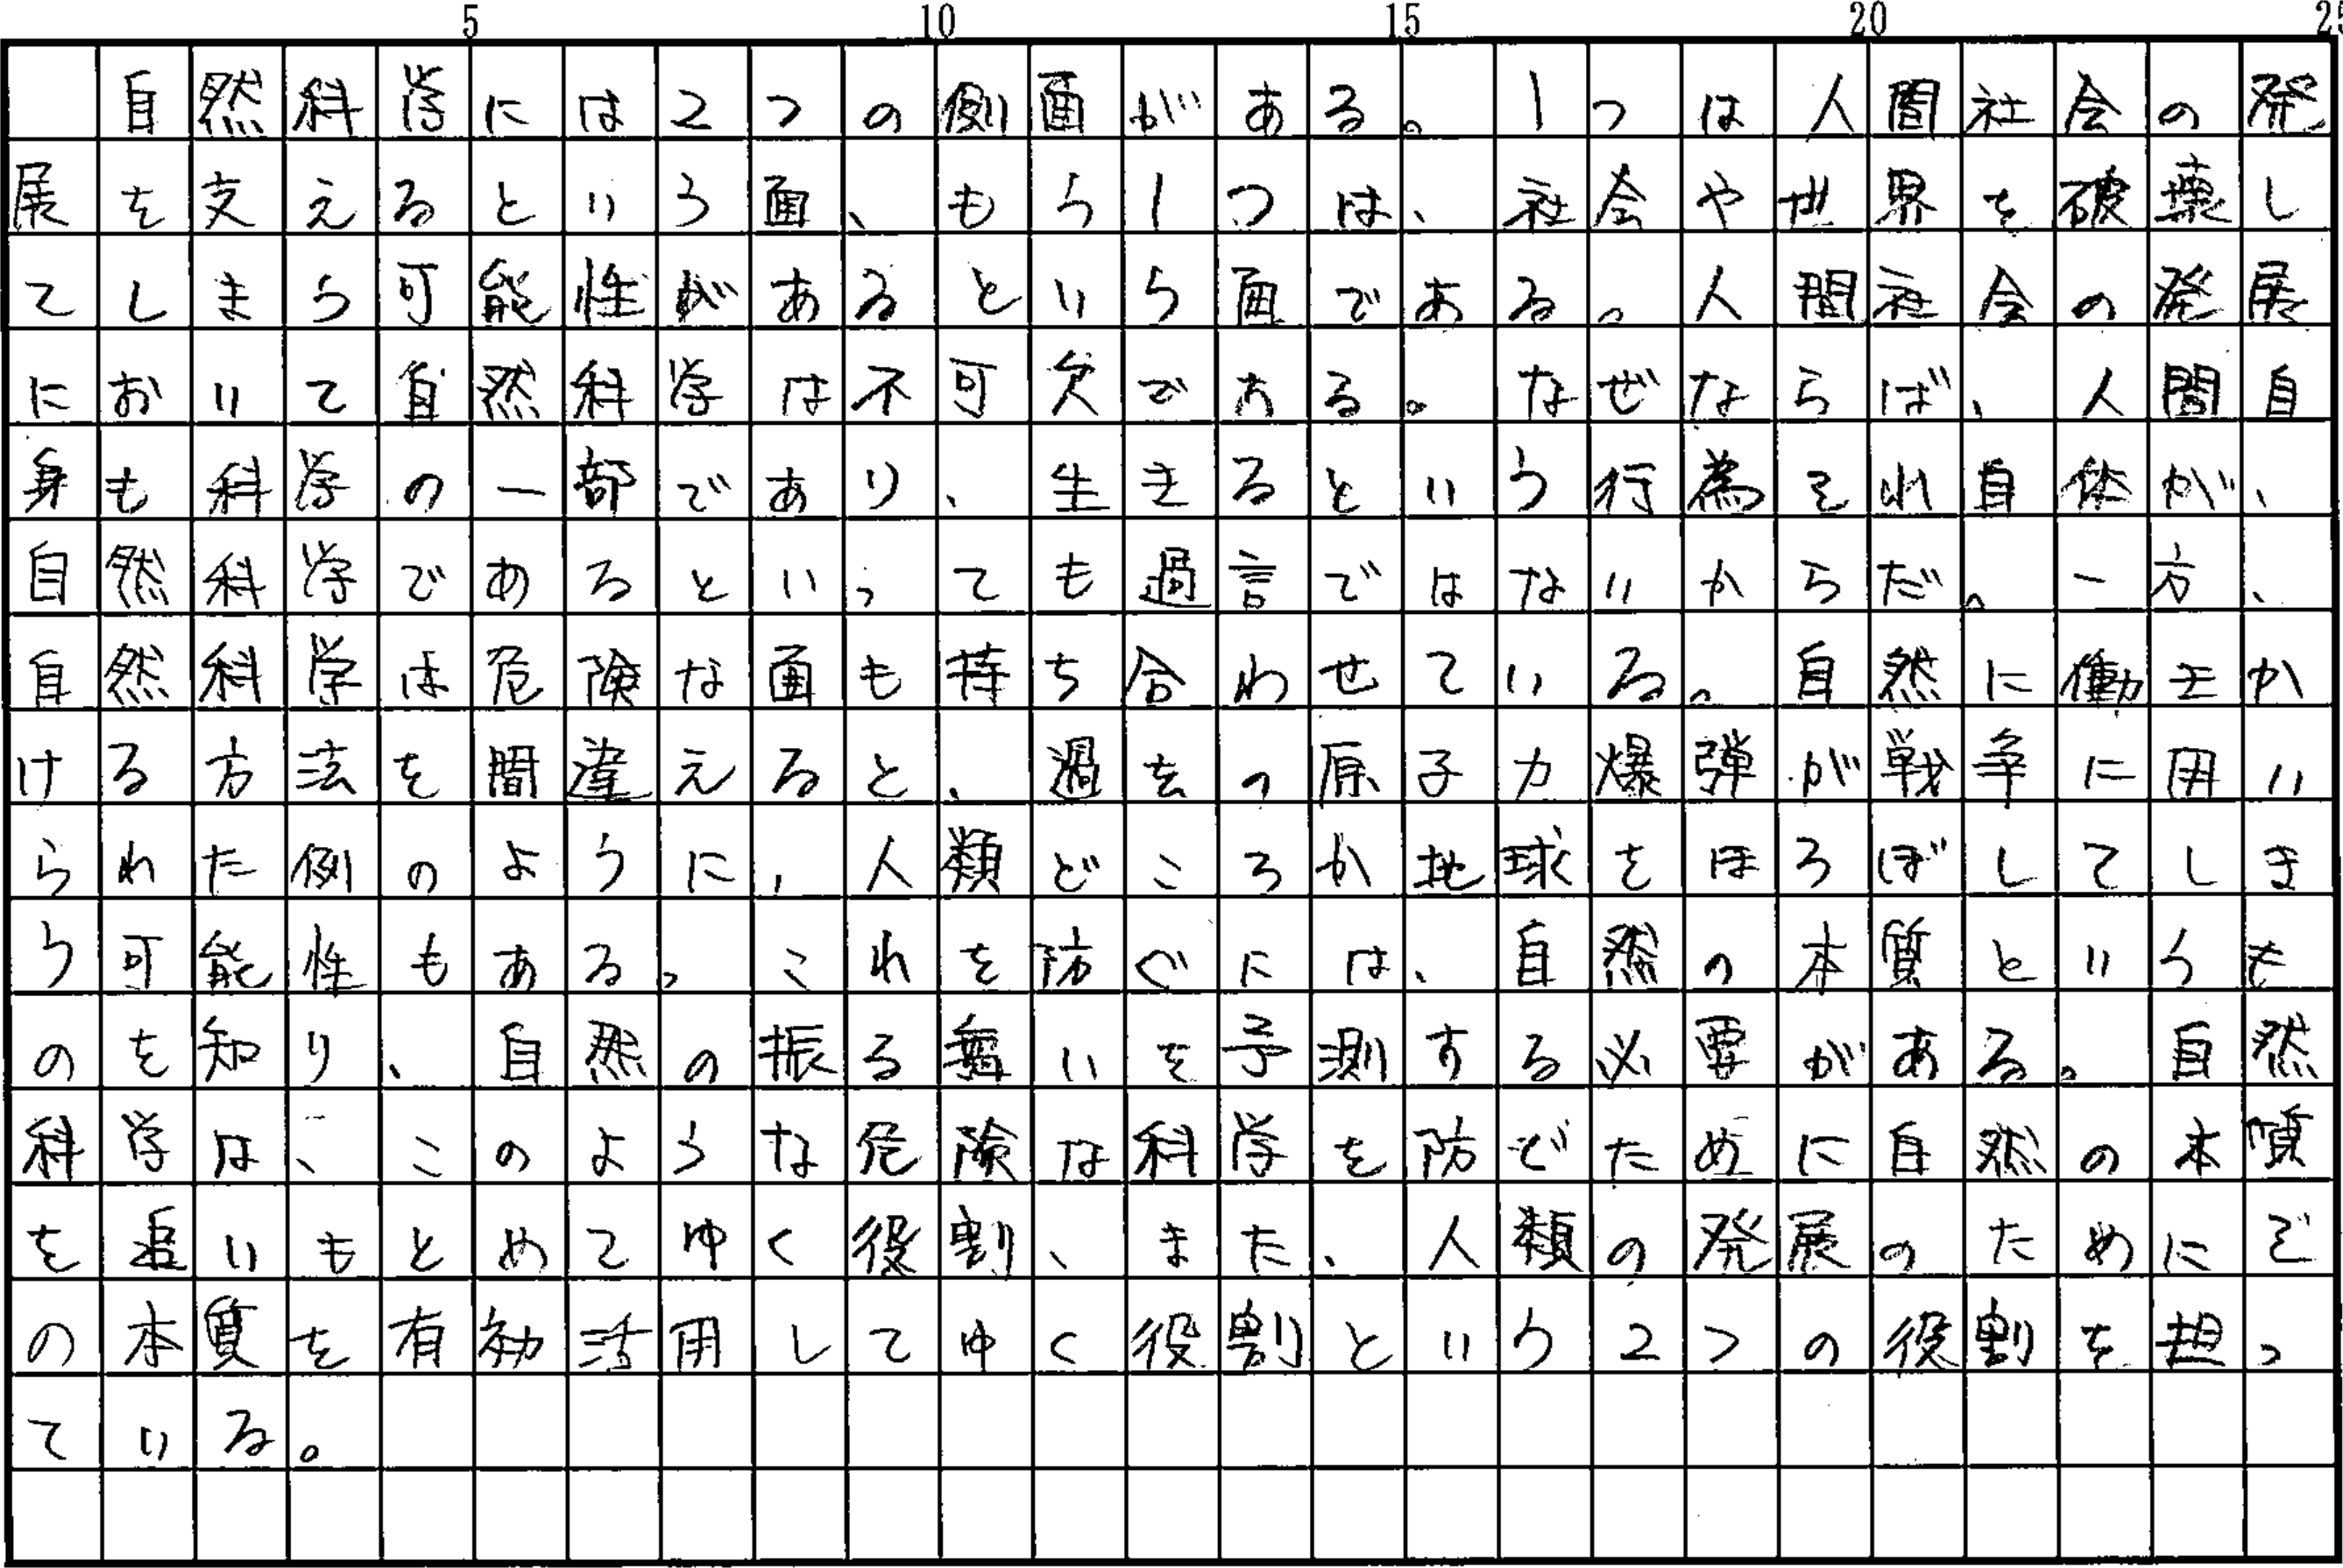　自然科学には２つの側面がある。１つは人間社会の発展を支えるという面、もう１つは、社会や世界を破壊してしまう可能性があるという面である。人間社会の発展において自然科学は不可欠である。なぜならば、人間自身も科学の一部であり、生きるという行為それ自体が、自然科学であるといっても過言ではないからだ。一方、自然科学は危険な面も持ち合わせている。自然に働きかける方法を間違えると、過去の原子力爆弾が戦争に用いられた例のように、人類どころか地球をほろぼしてしまう可能性もある。これを防ぐには、自然の本質というものを知り、自然の振る舞いを予測する必要がある。自然科学は、このような危険な科学を防ぐために自然の本質を追いもとめてゆく役割、また、人類の発展のためにその本質を有効活用してゆく役割という２つの役割を担っている。
